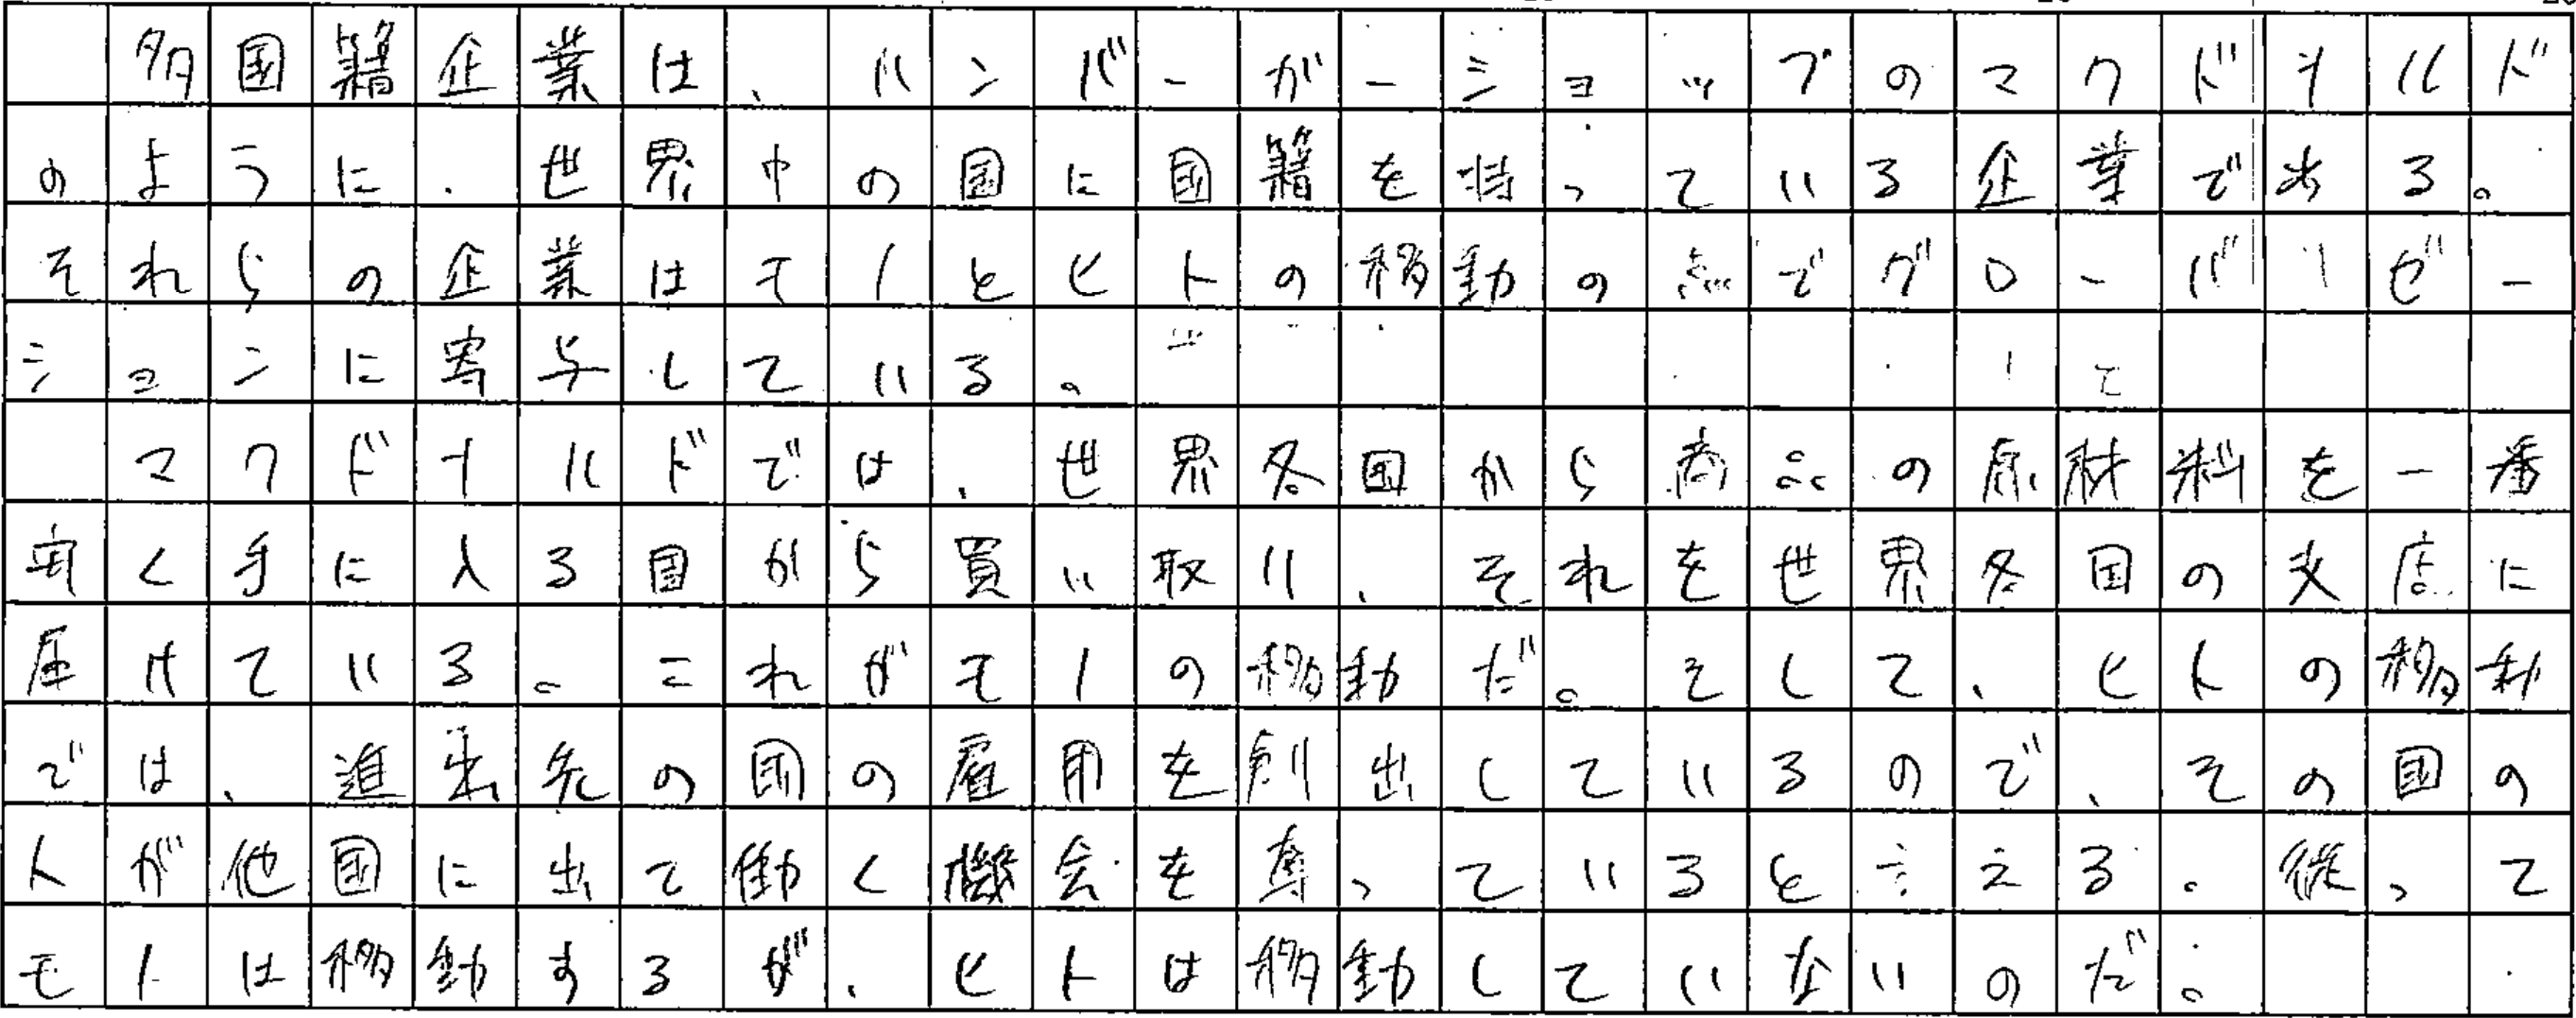　多国籍企業は、ハンバーガーショップのマクドナルドのように、世界中の国に国籍を持っている企業である。それらの企業はモノとヒトの移動の点でグローバリゼーションに寄与している。
　マクドナルドでは、世界各国から商品の原材料を一番安く手に入る国から買い取り、それを世界各国の支店に届けている。これがモノの移動だ。そして、ヒトの移動では、進出先の国の雇用を創出しているので、その国の人が他国に出て働く機会を奪っていると言える。従ってモノは移動するが、ヒトは移動していないのだ。
